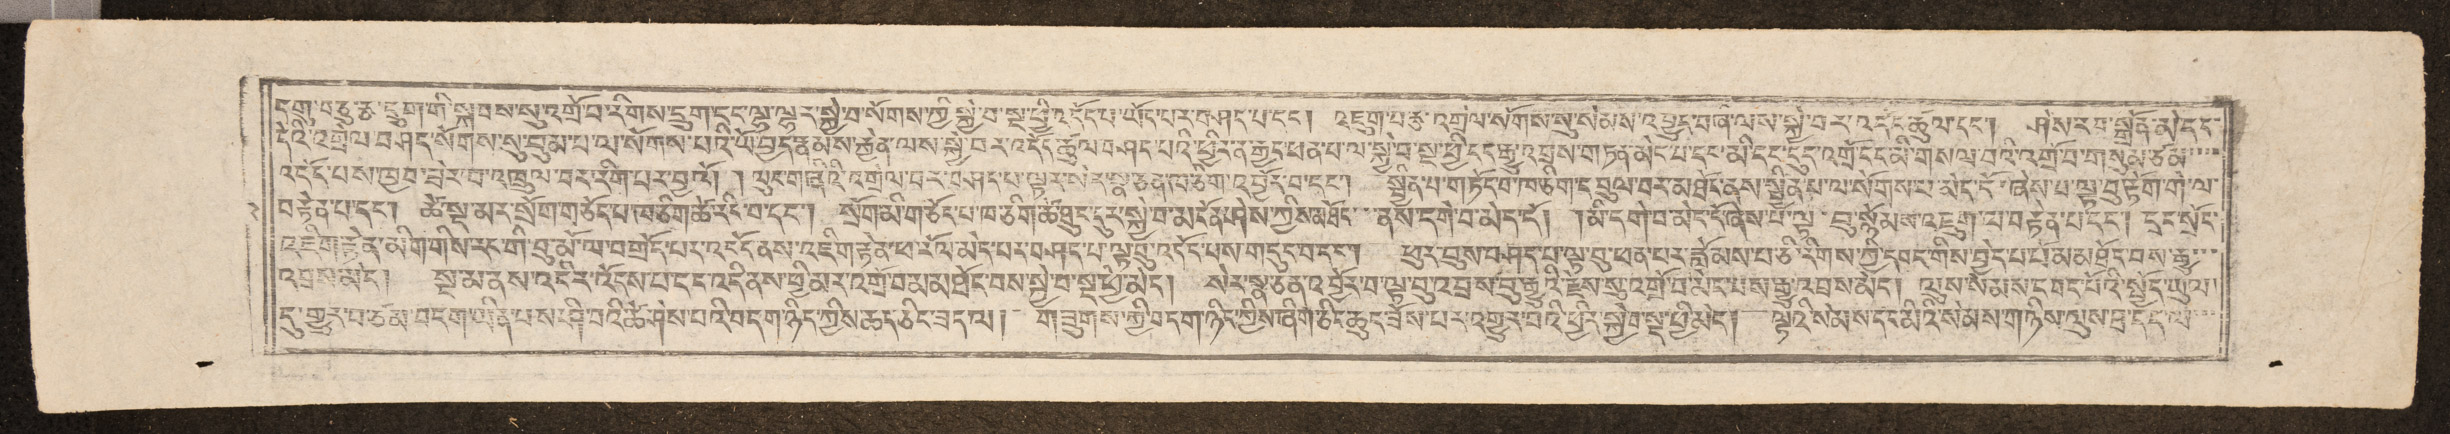དགུ་བཅུ་རྩ་དྲུག་གི་སྐབས་སུ་འགྲོ་བ་རིགས་དྲུག་དང་ལྷ་ལྷར་སྐྱེ་བ་སོགས་ཀྱི་སྐྱེ་བ་སྔ་ཕྱི་འདོད་པ་ཡོད་པར་བཤད་པ་དང་། འཇུག་བ་རྩ་འགྲེལ་སོགས་སུ་སེམས་འབྱུང་བཞི་ལས་སྐྱེ་བར་འདོད་ཚུལ་དང་། ཤེས་རབ་སྒྲོན་མེ་དང་
དེའི་འགྲེལ་བཤད་སོགས་སུ་བུམ་པ་ལ་སོགས་པའི་ཡོ་བྱད་རྣམས་རྐྱེན་ལས་སྐྱེ་བར་འདོད་ཚུལ་བཤད་པའི་ཕྱིར་ན་རྒྱང་ཕན་པ་ལ་སྐྱེ་བ་སྔ་ཕྱི་དང་རྒྱུ་འབྲས་གཏན་མེད་པ་དང་མི་དང་དུད་འགྲོ་དང་མི་གསལ་བའི་འགྲོ་བ་གསུམ་ཙམ་
འདོད་པས་ཁྱབ་ཟེར་བ་འཁྲུལ་བར་རིག་པར་བྱའོ། །ལུང་གཞིའི་འགྲེལ་བར་བཤད་པ་ལྟར་སེར་སྣ་ཅན་ཁ་ཅིག་འབྱོར་བ་དང་། སྦྱིན་པ་གཏོང་བ་ཁ་ཅིག་དབུལ་བར་མཐོང་ནས་སྦྱིན་པ་ལ་སོགས་པ་མེད་དོ་ཞེས་པ་ལྟ་བུ་རྟོག་གེ་ལ་
བརྟེན་པ་དང་། ཚེ་སྔ་མར་སྲོག་གཅོད་པ་ཁ་ཅིག་ཚེ་རིང་བ་དང་། སྲོག་མི་གཅོད་པ་ཁ་ཅིག་ཚེ་ཐུང་དུར་སྐྱེ་བ་མངོན་ཤེས་ཀྱིས་མཐོང་ནས་དགེ་བ་མེད་དོ། །མི་དགེ་བ་མེད་དོ་ཞེས་པ་ལྟ་བུ་སྙོམས་འཇུག་ལ་བརྟེན་པ་དང་། དྲང་སྲོང་
འཇིག་རྟེན་མིག་གིས་རང་གི་བུ་མོ་ལ་བགྲོད་པར་འདོད་ནས་འཇིག་རྟེན་ཕ་རོལ་མེད་པར་བཤད་པ་ལྟ་བུ་འདོད་པས་གདུང་བ་དང་། ཕུར་བུས་བཤད་པ་ལྟ་བུ་ཕན་པར་རློམས་བ་ཅི་རིགས་ཀྱི་དབང་གིས་བྱེད་པ་པོ་མ་མཐོང་བས་རྒྱུ་
འབྲས་མེད། སྔ་མ་ནས་འདིར་འོངས་པ་དང་འདི་ནས་ཕྱི་མར་འགྲོ་བ་མ་མཐོང་བས་སྐྱེ་བ་སྔ་ཕྱི་མེད། སེར་སྣ་ཅན་འབྱོར་བ་ལྟ་བུ་འབྲས་བུ་རྒྱུའི་རྗེས་སུ་འགྲོ་བ་མེད་པས་རྒྱུ་འབྲས་མེད། ལུས་སེམས་དབང་པོའི་སྤྱོད་ཡུལ་
དུ་གྱུར་བ་ཙམ་བདག་ཡིན་པས་ཤི་བའི་ཚེ་ཤེས་པའི་བདག་ཉིད་ཀྱིས་ཆད་ཅིང་ཟད་ལ། གཟུགས་ཀྱི་བདག་ཉིད་ཀྱིས་ཞིག་ཅིང་ཆུད་ཟོས་པར་འགྱུར་བའི་ཕྱིར་སྐྱེ་བ་སྔ་ཕྱི་མེད། ལྷའི་སེམས་དང་གྨིའི་སེམས་གཉིས་ལུས་ཐ་དད་ལ་